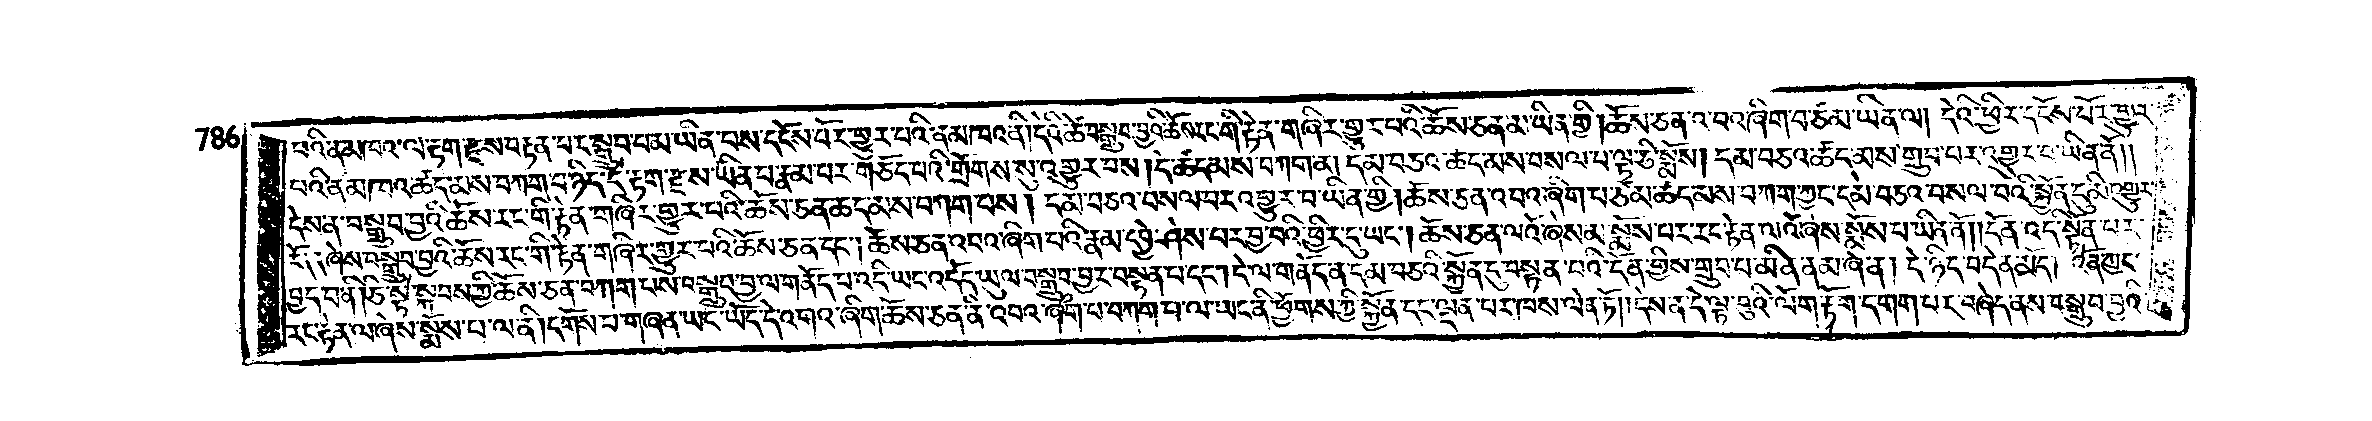པའི་ནམ་མཁའ་ལ་རྟག་རྫས་བརྟན་པར་སྒྲུབ་པ་མ་ཡིན་པས་དངོས་པོར་གྱུར་བའི་ནམ་མཁའ་ནི། དེའི་ཚེ་བསྒྲུབ་བྱའི་ཆོས་རང་གི་རྟེན་གཞིར་གྱུར་བའི་ཆོས་ཅན་མ་ཡིན་གྱི། ཆོས་ཅན་འབའ་ཞིག་པ་ཙམ་ཡིན་ལ། དེའི་ཕྱིར་དངོས་པོར་གྱུར་
བའི་ནམ་མཁའ་ཚད་མས་བཀག་པ་ཉིད་དེ་རྟག་རྫས་ཡིན་པ་རྣམ་པར་གཅོད་པའི་གྲོགས་སུ་འགྱུར་བས། དེ་ཚད་མས་བཀག་ན། དམ་བཅའ་ཚད་མས་བསལ་བ་ལྟ་ཅི་སྨོས། དམ་བཅའ་ཚད་མས་གྲུབ་པར་འགྱུར་བ་ཡིན་ནོ།།
དེས་ན་བསྒྲུབ་བྱའི་ཆོས་རང་གི་རྟེན་གཞིར་གྱུར་བའི་ཆོས་ཅན་ཚད་མས་བཀག་པས། དམ་བཅའ་བསལ་བར་འགྱུར་བ་ཡིན་གྱི། ཆོས་ཅན་འབའ་ཞིག་པ་ཙམ་ཚད་མས་བཀག་ཀྱང་དམ་བཅའ་བསལ་བའི་སྐྱོན་དུ་མི་འགྱུར་
རོ། །ཞེས་བསྒྲུབ་བྱའི་ཆོས་རང་གི་རྟེན་གཞིར་གྱུར་བའི་ཆོས་ཅན་དང་། ཆོས་ཅན་འབའ་ཞིག་པའི་རྣམ་དབྱེ་ཤེས་པར་བྱ་བའི་ཕྱིར་དུ་ཡང་། ཆོས་ཅན་ལའོ་ཞེས་མ་སྨོས་པར་རང་རྟེན་ལའོ་ཞེས་སྨོས་པ་ཡིན་ནོ། །དོན་འདི་སྟོན་པར་
བྱེད་པ་ནི། ཅི་སྟེ་སྐབས་ཀྱི་ཆོས་ཅན་བཀག་པས་བསྒྲུབ་བྱ་ལ་གནོད་པ་འདི་ཡང་འདོད་ཡུལ་བསྒྲུབ་བྱར་བསྟན་པ་དང་། དེ་ལ་གནོད་ན་དམ་བཅའ་སྐྱོན་དུ་བསྟན་པའི་དོན་གྱིས་གྲུབ་པ་མིན་ནམ་ཞེ་ན། དེ་ཉིད་བདེན་མོད། འོན་ཀྱང་
རང་རྟེན་ལ་ཞེས་སྨོས་པ་ལ་ནི། དགོས་པ་གཞན་ཡང་ཡོད་དེ་འགའ་ཞིག་ཆོས་ཅན་ནི་འབའ་ཞིག་པ་བཀག་པ་ལ་ཡང་ནི་ཕྱོགས་ཀྱི་སྐྱོན་དང་ལྡན་པར་ཁས་ལེན་ཏོ། །དེས་ན་དེ་ལྟ་བུའི་ལོག་རྟོག་དགག་པར་བཞེད་ནས་བསྒྲུབ་བྱའི་